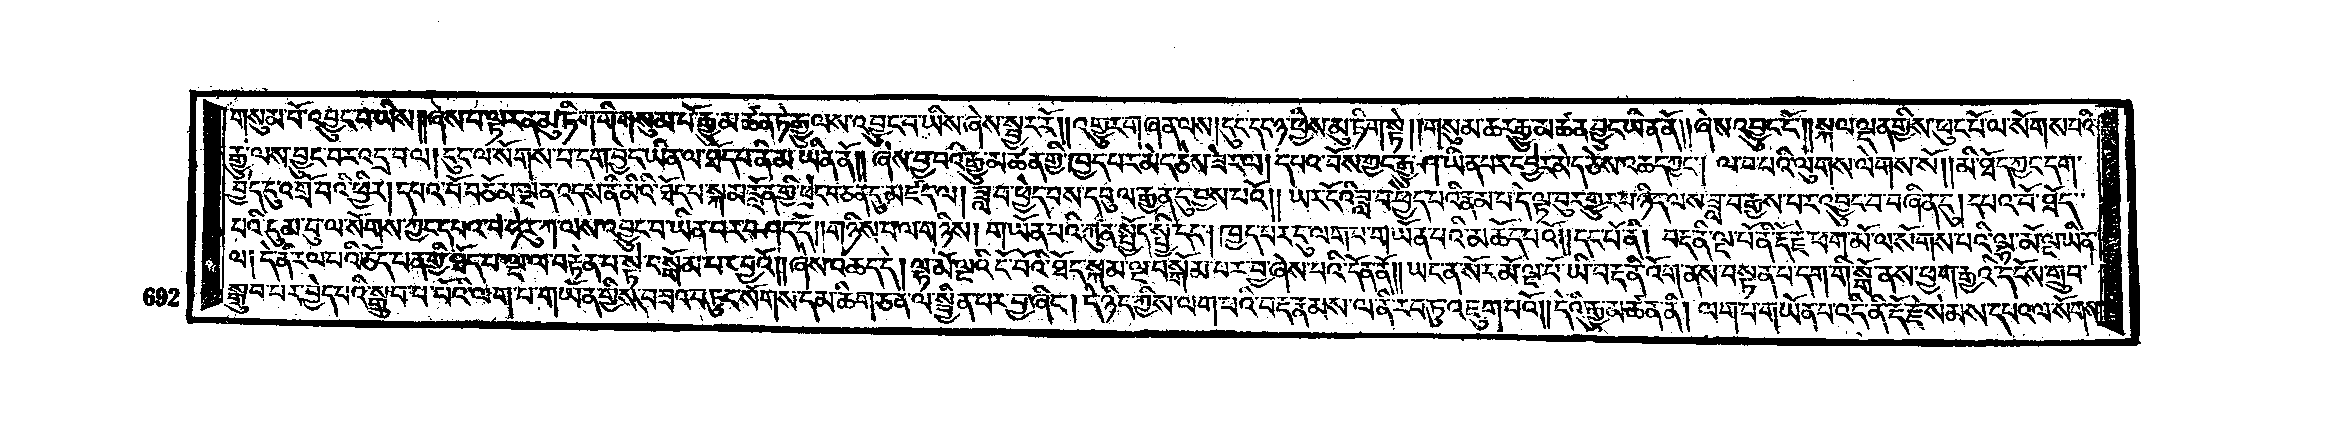གསུམ་པོ་འབྱུང་བ་ཡིས། །ཞེས་པ་ལྟར་ན་མུ་ཏིག་གི་གསུམ་པོ་རྒྱུ་མཚན་ཏེ་རྒྱུ་ལས་འབྱུང་བ་ཡིས་ཞེས་སྦྱར་རོ། །འགྱུར་གཞན་ལས། དུང་དང་ཉ་ཕྱིས་མུ་ཏིག་སྟེ། །གསུམ་ཆར་རྒྱུ་མཚན་བྱུང་ཡིན་ནོ། །ཞེས་འབྱུང་ངོ། །སྐལ་ལྡན་གྱིས་ཕུང་པོ་ལ་སོགས་པའི་
རྒྱུ་ལས་བྱུང་བར་འདྲ་བ་ལ། དུང་ལ་སོགས་པ་དག་བྱེད་ཡིན་ལ་ཐོད་པ་ནི་མ་ཡིན་ནོ། །ཞེས་བྱ་བའི་རྒྱུ་མཚན་གྱི་ཁྱད་པར་མེད་ཅེས་ཟེར་ལ། དཔའ་བོས་ཀྱང་རྒྱུ་ཤ་ཡིན་པར་དབྱེར་མེད་ཅེས་འཆད་ཀྱང་། ལ་བ་པའི་ལུགས་ལེགས་སོ། །མི་ཐོད་ཀྱང་དག་
བྱེད་དུ་འགྲོ་བའི་ཕྱིར། དཔའ་བོ་བཅོམ་ལྡན་འདས་ནི་མིའི་ཐོད་པ་སྐམ་རློན་གྱི་ཕྲེང་བ་ཅན་དུ་མཛད་ལ། ཟླ་བ་ཕྱེད་པས་དབུ་ལ་རྒྱན་དུ་བྱས་པའོ། །ཡར་ངོའི་ཟླ་བ་ཕྱེད་པའི་རྣམ་པ་དེ་ལྟ་བུར་གྱུར་པ་ཉིད་ལས་ཟླ་བ་རྒྱས་པར་འབྱུང་བ་བཞིན་དུ། དཔའ་བོ་ཐོད་
པའི་དུམ་བུ་ལ་སོགས་ཀྱང་དཔའ་བོ་ཧེ་རུ་ཀ་ལས་འབྱུང་བ་ཡིན་པར་བཤད་དོ། །གཉིས་པ་ལ་གཉིས། གཡོན་པའི་ཀུན་སྤྱོད་སྤྱི་དང་། ཁྱད་པར་དུ་ལག་པ་གཡོན་པའི་མཆོད་པའོ། །དང་པོ་ནི། བརྡ་ནི་ལྔ་པོ་ནི་རྡོ་རྗེ་ཕག་མོ་ལ་སོགས་པའི་ལྷ་མོ་ལྔ་ཡིན་
ལ། དེ་ནི་རལ་པའི་ཅོད་པན་གྱི་ཐོད་པ་ལྔ་ལ་བརྟེན་པ་སྟེ་བསྒོམ་པར་བྱའོ། །ཞེས་འཆད་དེ། ལྷ་མོ་ལྔའི་ངོ་བོའི་ཐོད་སྐམ་ལྔ་བསྒོམ་པར་བྱ་ཞེས་པའི་དོན་ནོ། །ཡང་ན་སོར་མོ་ལྔ་པོ་ཡི་བརྡ་ནི་འོག་ནས་བསྟན་པ་དག་གི་སྒོ་ནས་ཕྱག་རྒྱའི་དངོས་གྲུབ་
སྒྲུབ་པར་བྱེད་པའི་སྒྲུབ་པ་པོའི་ལག་པ་གཡོན་གྱིས་བཟའ་བཏུང་སོགས་དམ་ཚིག་ཅན་ལ་སྦྱིན་པར་བྱ་ཞིང་། དེ་ཉིད་ཀྱིས་ལག་པའི་བརྡ་རྣམས་ལ་ནི་རབ་ཏུ་འཇུག་པའོ། །དེའི་རྒྱུ་མཚན་ནི། ལག་པ་གཡོན་པ་འདི་ནི་རྡོ་རྗེ་སེམས་དཔའ་ལ་སོགས་